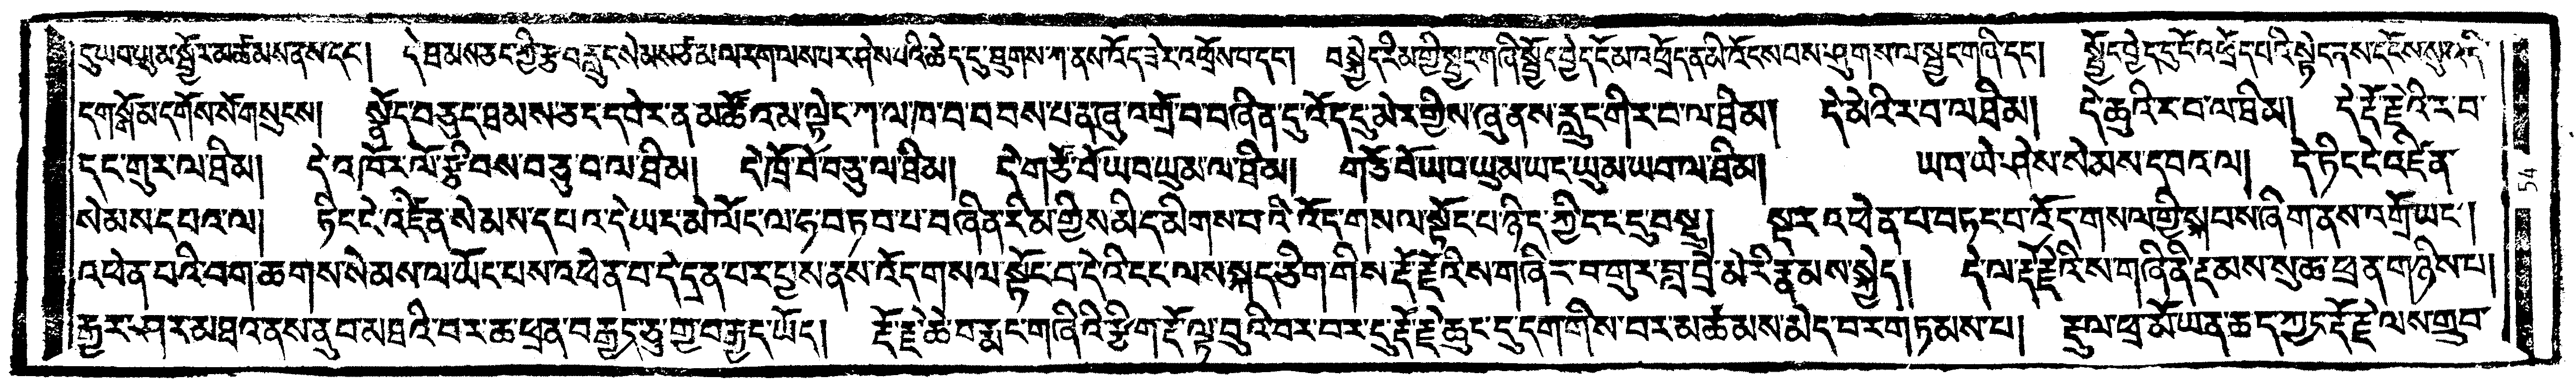དུ་ཡབ་ཡུམ་སྦྱོར་མཚམས་ནས་དང་། དེ་ཐམས་ཅད་ཀྱི་རྩ་བརླུང་སེམས་ཙམ་ལ་རག་ལས་པར་ཤེས་པའི་ཆེད་དུ་ཐུགས་ཀ་ནས་འོད་ཟེར་འཕྲོས་པ་དང་། བསྐྱེད་རིམ་གྱི་སྦྱང་གཞི་སྦྱོང་བྱེད་ངོམ་འཕྲོད་ན་མི་འོངས་བས་ཤུགས་ལ་སྦྱང་གཞི་དང་། སྦྱོང་བྱེད་དུ་ངོ་འཕྲོད་པའི་སྟེང་ནས་དངོས་སུ་འདི་
དག་སྒོམ་དགོས་སོ་གསུངས། སྣོད་བཅུད་ཐམས་ཅད་དཔེར་ན་མཚོའམ་ལྟེང་ཀ་ལ་ཁ་བ་བབས་པ་ན་ཞུ་འགྲོ་བ་བཞིན་དུ་འོད་དུ་མེར་གྱིས་ཞུ་ནས་རླུང་གི་ར་བ་ལ་ཐིམ། དེ་མེའི་ར་བ་ལ་ཐིམ། དེ་ཆུའི་ར་བ་ལ་ཐིམ། དེ་རྡོ་རྗེའི་ར་བ་
དང་གུར་ལ་ཐིམ། དེ་འཁོར་ལོ་རྩིབས་བཅུ་བ་ལ་ཐིམ། དེ་ཁྲོ་བོ་བཅུ་ལ་ཐིམ། དེ་གཙོ་བོ་ཡབ་ཡུམ་ལ་ཐིམ། གཙོ་བོ་ཡབ་ཡུམ་ཡང་ཡུམ་ཡབ་ལ་ཐིམ། ཡབ་ཡེ་ཤེས་སེམས་དཔའ་ལ། དེ་ཏིང་ངེ་འཛིན་
སེམས་དཔའ་ལ། ཏིང་ངེ་འཛིན་སེམས་དཔའ་དེ་ཡང་མེ་ལོང་ལ་ཧ་བཏབ་པ་བཞིན་རིམ་གྱིས་མི་དམིགས་པའི་འོད་གསལ་སྟོང་པ་ཉིད་ཀྱི་ངང་དུ་བསྡུ། སྔར་འཕེན་པ་བཏང་བ་འོད་གསལ་གྱི་སྐབས་ཞིག་ནས་འགྲོ་ཡང་།
འཕེན་པའི་བག་ཆགས་སེམས་ལ་ཡོད་པས་འཕེན་པ་དེ་དྲན་པར་བྱས་ནས་འོད་གསལ་སྟོང་བ་དེའི་ངང་ལས་སྐད་ཅིག་གིས་རྡོ་རྗེའི་ས་གཞིར་བ་གུར་བླ་བྲེ་མེ་རི་རྣམས་སྐྱེད། དེ་ལ་རྡོ་རྗེའི་ས་གཞི་ནི་རྡམས་སུ་ཆ་ཕྲན་གཉིས་པ།
རྒྱར་ཤར་མཐའ་ནས་ནུབ་མཐའི་བར་ཆ་ཕྲན་བརྒྱད་ཅུ་གྱ་བརྒྱད་ཡོད། རྡོ་རྗེ་ཆེ་བ་རྨང་གཞིའི་རྩིག་རྡོ་ལྟ་བུའི་བར་བར་དུ་རྡོ་རྗེ་ཆུང་ངུ་དག་གིས་བར་མཚམས་མེད་པར་གཏམས་པ། རྡུལ་ཕྲ་མོ་ཡན་ཆད་ཀྱང་རྡོ་རྗེ་ལས་གྲུབ་